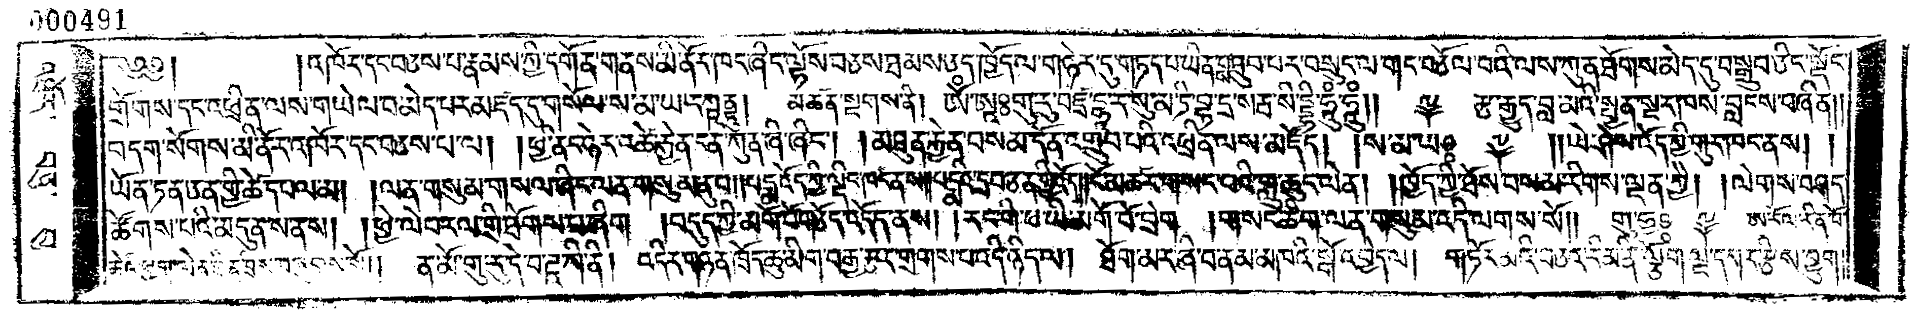༄༅། །འཁོར་དང་བཅས་པ་རྣམས་ཀྱི་དགོན་གནས་མི་ནོར་ཁང་ཞིང་ལྟོས་བཅས་ཐམས་ཅད་ཁྱོད་ལ་གཉེར་དུ་གཏད་པ་ཡིན་པས་ཐུབ་པར་བསྲུང་ལ་གང་བཅོལ་བའི་ལས་ཀུན་ཐོགས་མེད་དུ་བསྒྲུབ་ཅིང་སྡོང་
གྲོགས་དང་འཕྲིན་ལས་གཡེལ་བ་མེད་པར་མཛད་དུ་གསོལ་ས་མ་ཡ་རཀྵནྟུ། མཚན་སྔགས་ནི།  ཨོཾ་ཨཱཿ གུ་རུ་བཛྲ་དྷཱ་ར་སུ་མ་ཏི་བྷ་དྲ་སརྦ་སི་དྡྷི་ཧཱུཾ་ཧཱུཾ།། ༈ རྩ་རྒྱུད་བླ་མའི་སྤྱན་སྔར་ཁས་བླངས་བཞིན། །
བདག་སོགས་མི་ནོར་འཁོར་དང་བཅས་པ་ལ། །ཕྱི་ནང་ཉེར་འཚེ་རྐྱེན་ངན་ཀུན་ཞི་ཞིང་། །མཐུན་རྐྱེན་བསམ་དོན་འགྲུབ་པའི་འཕྲིན་ལས་མཛོད། །ས་མ་ཡཿ ༈ །།ཡེ་ཤེས་འོད་ཀྱི་གུར་ཁང་ནས། །
ཡོན་ཏན་ཅན་གྱི་ཚེ་དཔལ་མ། །ལན་གསུམ་གསལ་ཞིང་ལན་གསུམ་ནུབ། །པདམ་འོད་ཀྱི་ལྡིང་ཁང་ནས། །པདམའི་དྲ་བ་ཅན་གྱི་འོད། །ངོ་མཚར་གསང་བའི་གླུ་ཆུང་ལེན། །ཁྱོད་ཀྱི་ཐོས་བསམ་རིགས་ལྡན་ཀྱཻ། །ལེགས་བཤད་
ཚོགས་པའི་མདུན་ས་ནས། །ཕྱེ་ལེབ་རལ་གྲི་ཐོགས་པ་ཞིག །བདུད་ཀྱི་མགོ་བོ་གཅོད་འདོད་ནས། །རང་གི་ཕ་ཡི་མགོ་བོ་བྲེག །གསང་ཚིག་ལན་གསུམ་འདི་ལགས་སོ།། གུ་ཧྱཿ ༈ ཨ་རོལ་རིན་པོ་
ཆེའི་ཕྱག་ལེན་ཟིན་བྲིས་བཞུགས་སོ།། ན་མོ་གུ་རུ་དེ་བ་ཌཱ་ཀི་ནི། འདིར་གཉན་ཁྲོད་ཆུ་མིག་བརྒྱ་རྩར་གྲགས་པ་འདི་ཉིད་ལ། ཐོག་མར་ཞི་བ་ནམ་མཁའི་སྒོ་འབྱེད་ལ། གཏོར་མའི་བཅའ་རིམ་ནི་ལྕོག་ལྔ་དཀར་རྩིས་བྱུག །